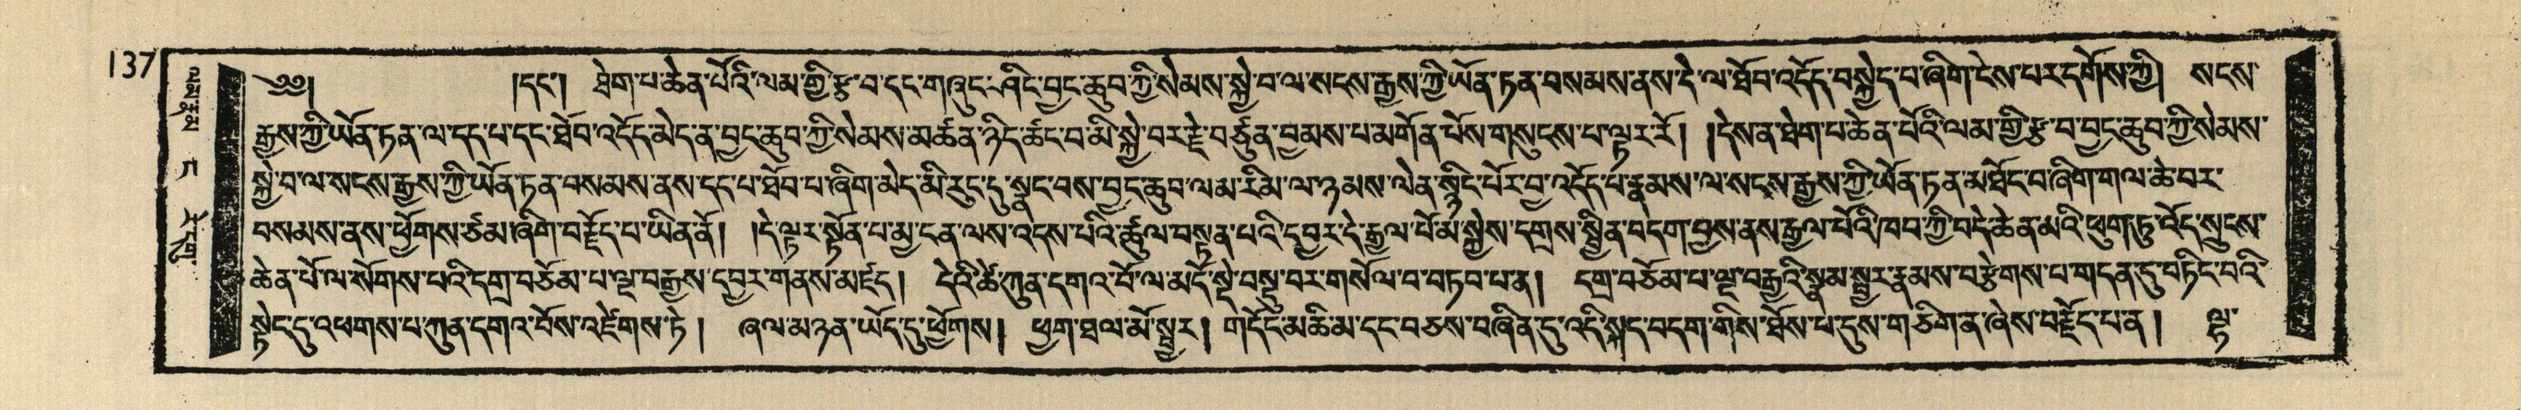༄༅། །དང་། ཐེག་པ་ཆེན་པོའི་ལམ་གྱི་རྩ་བ་དང་གཞུང་ཤིང་བྱང་ཆུབ་ཀྱི་སེམས་སྐྱེ་བ་ལ་སངས་རྒྱས་ཀྱི་ཡོན་ཏན་བསམས་ནས་དེ་ལ་ཐོབ་འདོད་བསྐྱེད་པ་ཞིག་ངེས་པར་དགོས་ཀྱི། སངས་
རྒྱས་ཀྱི་ཡོན་ཏན་ལ་དད་པ་དང་ཐོབ་འདོད་མེད་ན་བྱང་ཆུབ་ཀྱི་སེམས་མཚན་ཉིད་ཚང་བ་མི་སྐྱེ་བར་རྗེ་བཙུན་བྱམས་པ་མགོན་པོས་གསུངས་པ་ལྟར་རོ། །དེས་ན་ཐེག་པ་ཆེན་པོའི་ལམ་གྱི་རྩ་བ་བྱང་ཆུབ་ཀྱི་སེམས་
སྐྱེ་བ་ལ་སངས་རྒྱས་ཀྱི་ཡོན་ཏན་བསམས་ནས་དང་པ་ཐོབ་པ་ཞིག་མེད་མི་རུང་དུ་སྣང་བས་བྱང་ཆུབ་ལམ་རིམ་ལ་ཉམས་ལེན་སྙིང་པོར་བྱ་འདོད་པ་རྣམས་ལ་སངས་རྒྱས་ཀྱི་ཡོན་ཏན་མཐོང་བ་ཞིག་གལ་ཆེ་བར་
བསམས་ནས་ཕྱོགས་ཙམ་ཞིག་བརྗོད་པ་ཡིན་ནོ། །དེ་ལྟར་སྟོན་པ་མྱ་ངན་ལས་འདས་པའི་ཚུལ་བསྟན་པའི་དབྱར་དེ་རྒྱལ་པོ་མ་སྐྱེས་དགྲས་སྦྱིན་བདག་བྱས་ནས་རྒྱལ་པོའི་ཁབ་ཀྱི་བདེ་ཆེན་མའི་ཕུག་ཏུ་འོད་སྲུངས་
ཆེན་པོ་ལ་སོགས་པའི་དགྲ་བཅོམ་པ་ལྔ་བརྒྱས་དབྱར་གནས་མཛད། དེའི་ཚེ་ཀུན་དགའ་བོ་ལ་མདོ་སྡེ་བསྡུ་བར་གསོལ་བ་བཏབ་པ་ན། དགྲ་བཅོམ་པ་ལྔ་བརྒྱའི་སྣམ་སྦྱར་རྣམས་བརྩེགས་པ་གདན་དུ་བཏིང་བའི་
སྟེང་དུ་འཕགས་པ་ཀུན་དགའ་བོས་འཛེགས་ཏེ། ཞལ་མཉན་ཡོད་དུ་ཕྱོགས། ཕྱག་ཐལ་མོ་སྦྱར། གདོང་མཆི་མ་དང་བཅས་བཞིན་དུ་འདི་སྐད་བདག་གིས་ཐོས་པ་དུས་གཅིག་ན་ཞེས་བརྗོད་པ་ན། ལྷ་